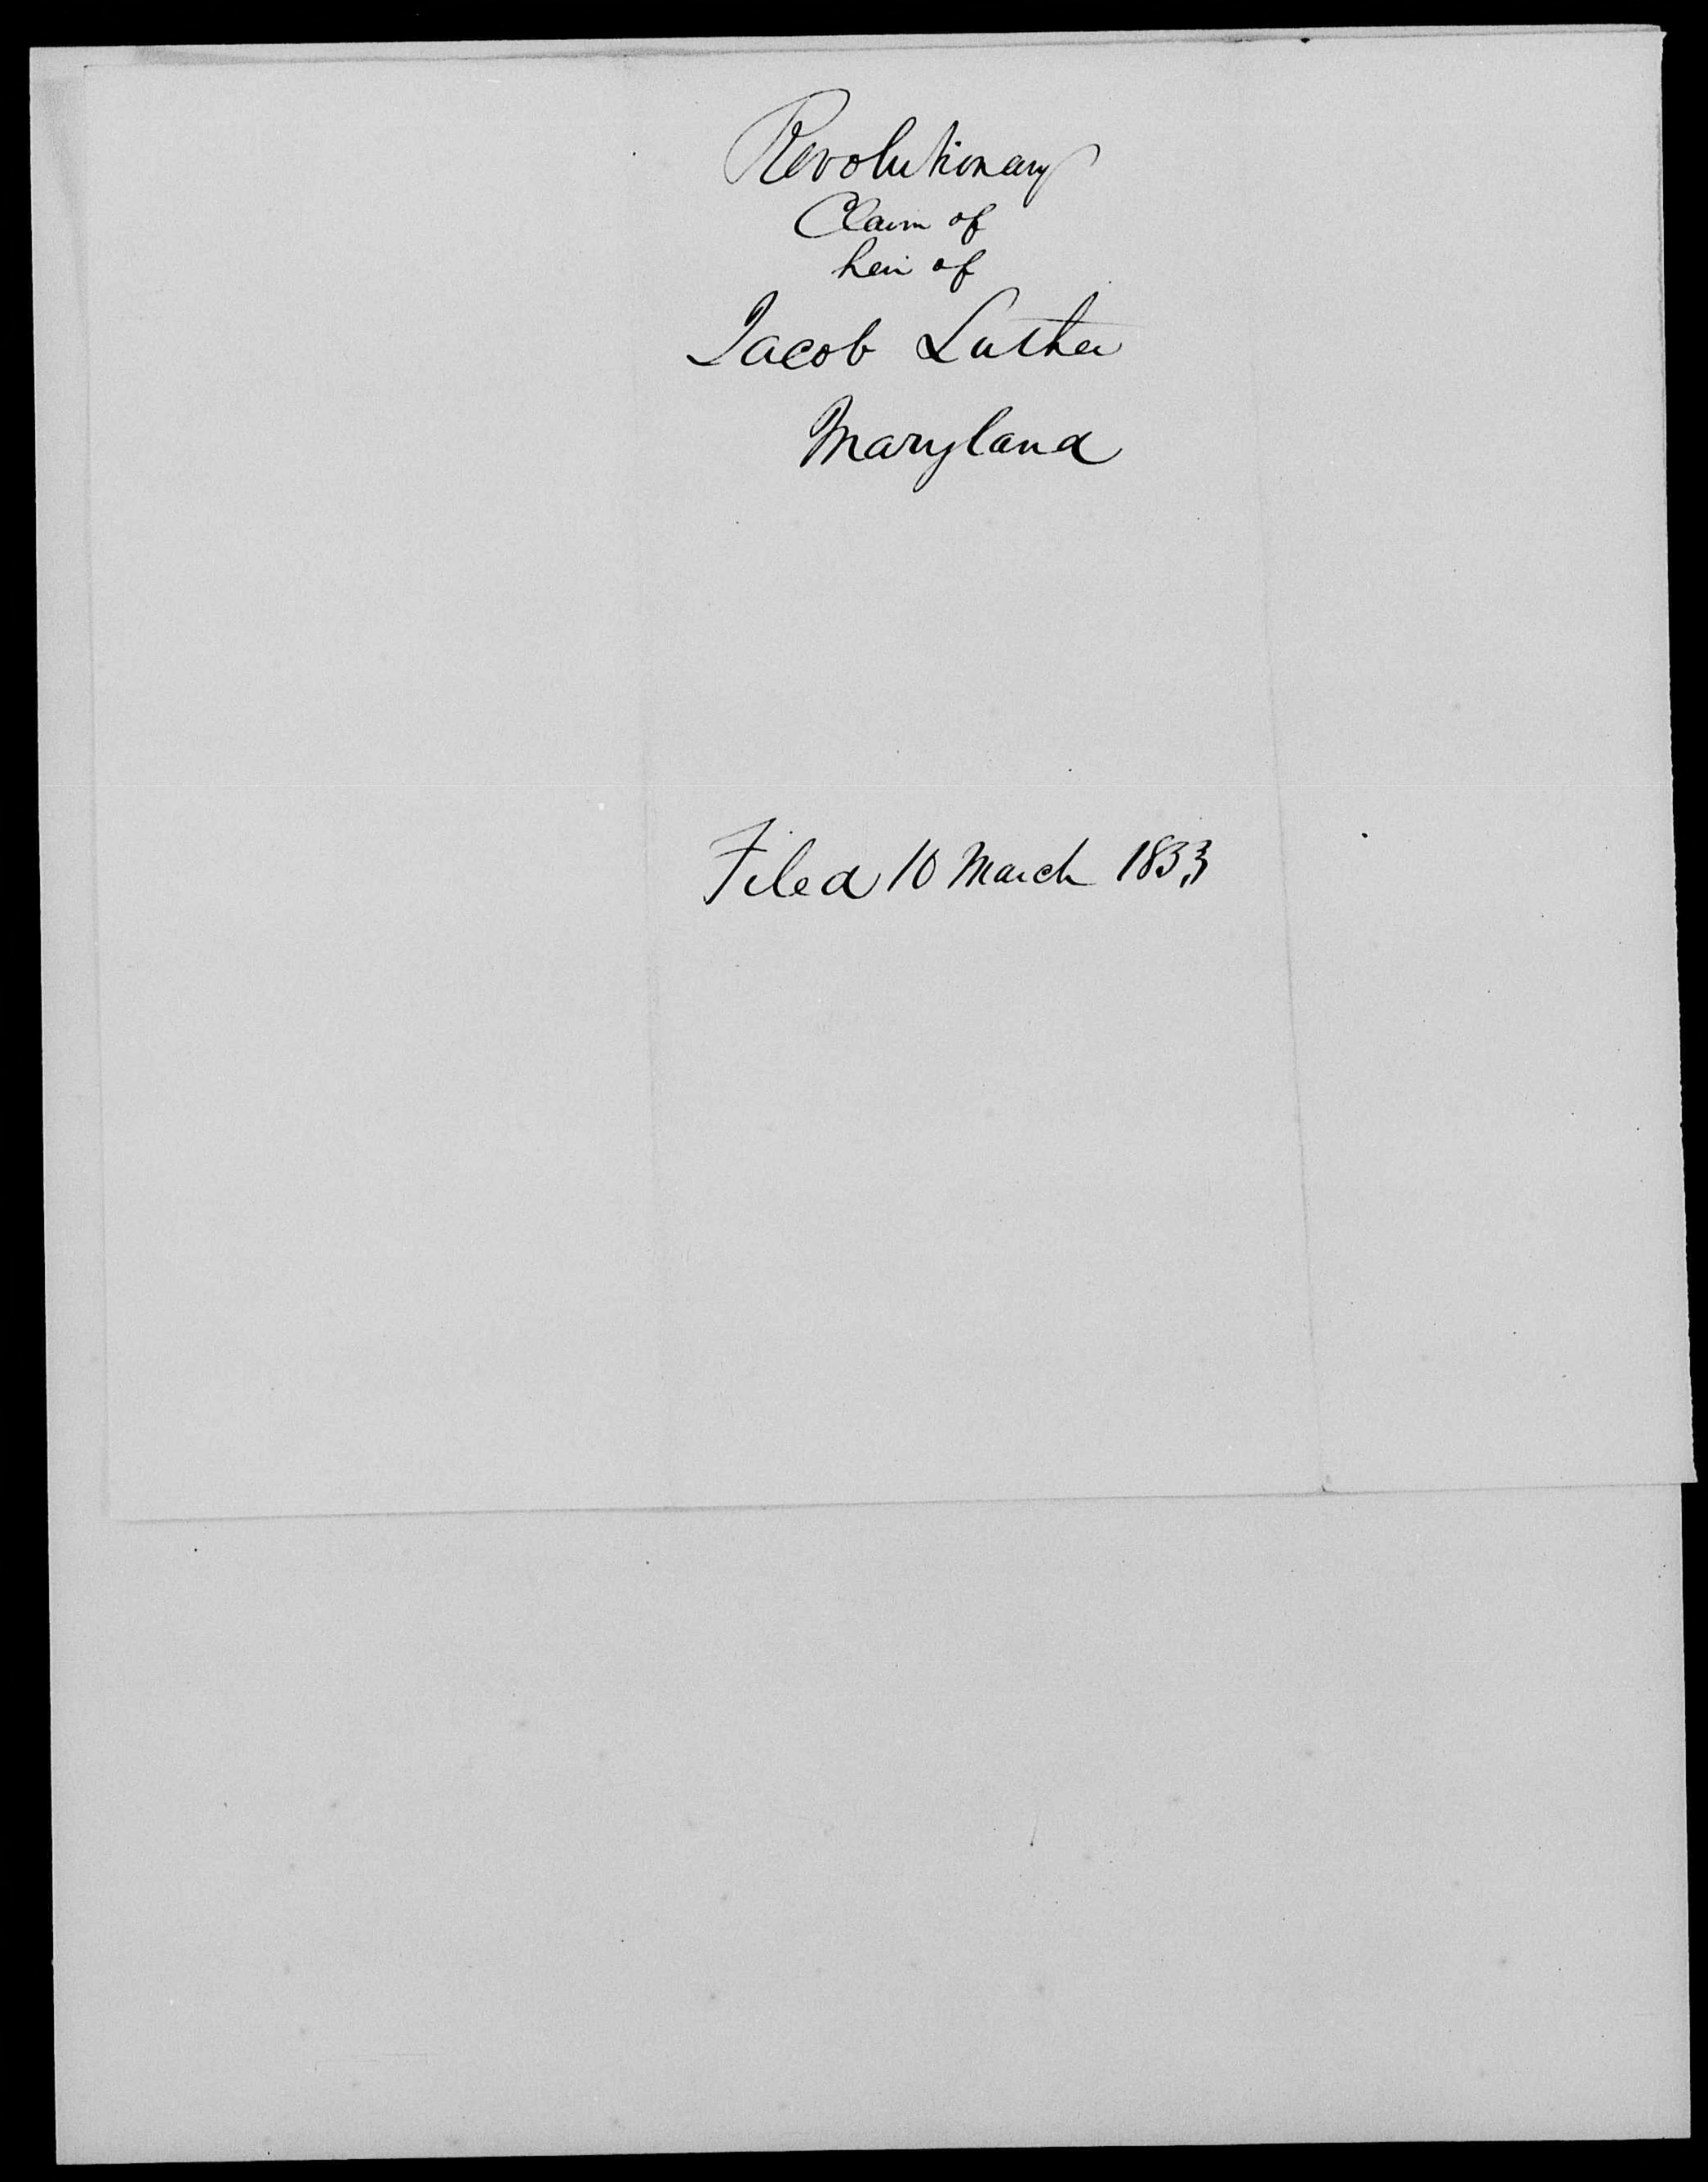Revolutionary 
Claim of
her of
Jacob Luther
Maryland

Filed 10 March 1833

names: Jacob Luther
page: 13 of 23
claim: rejected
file: R. 6533, for Jacob Luther, Maryland